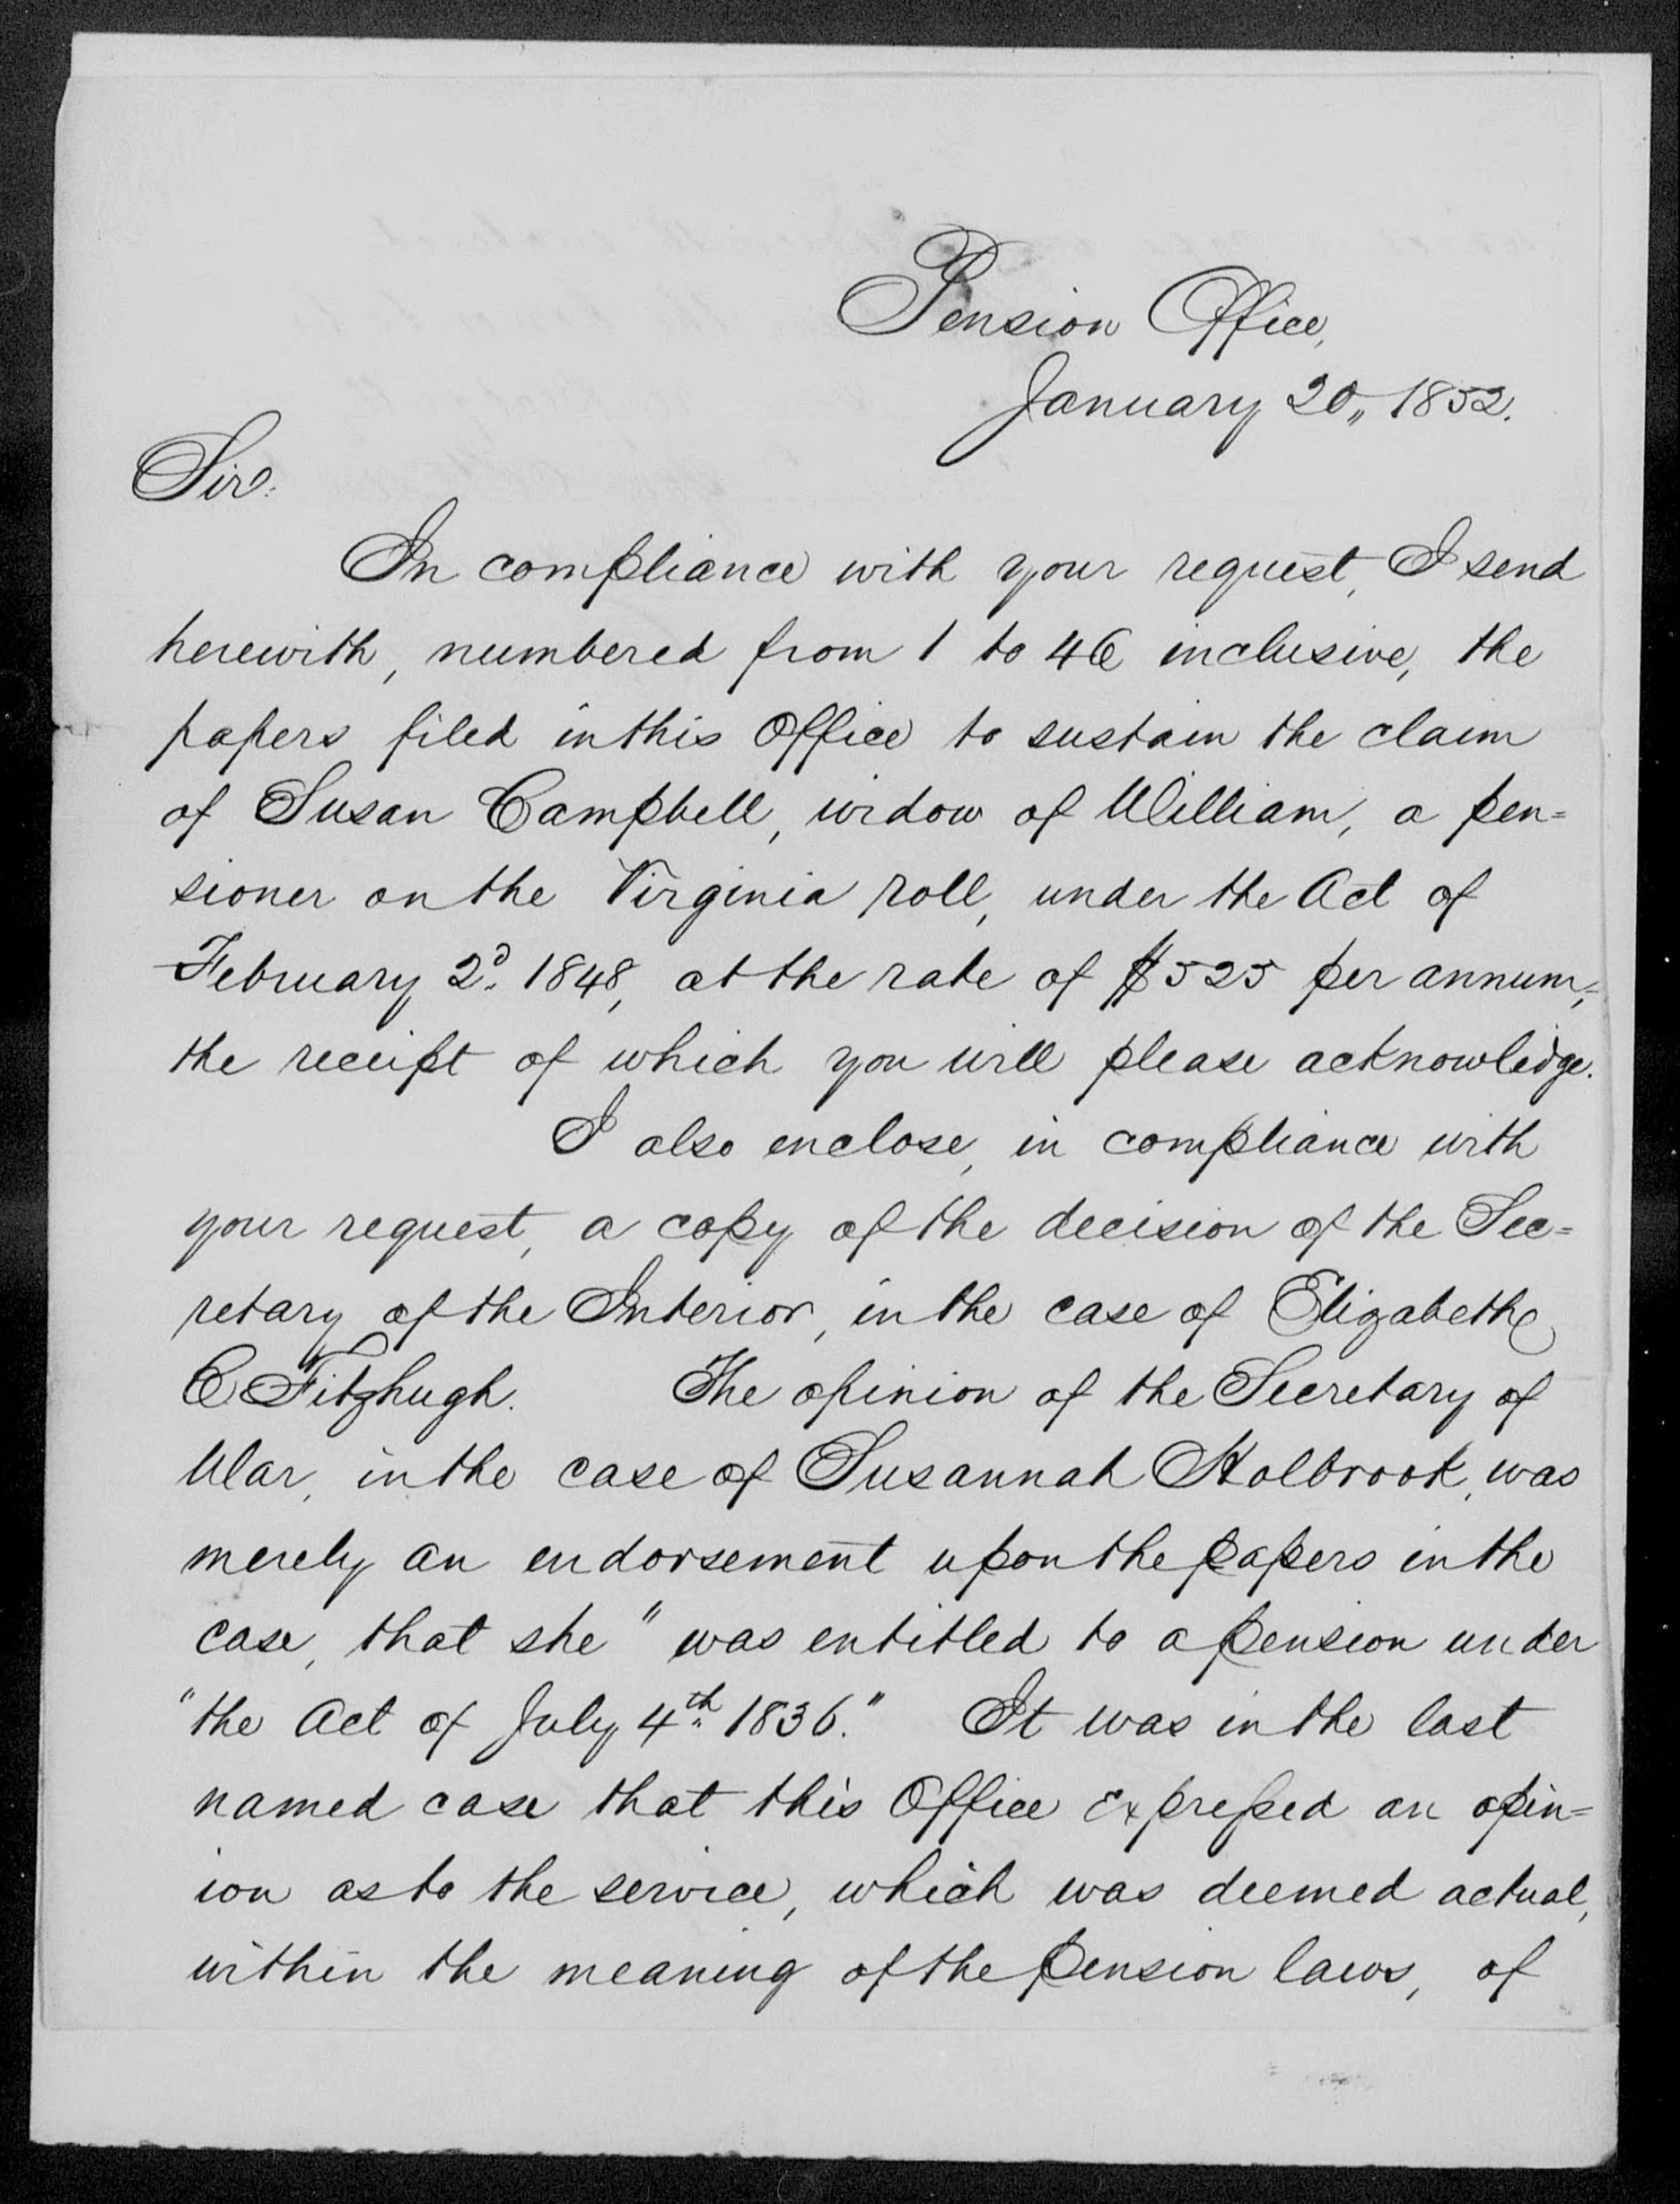Pension Office
January 20, 1852.
Sir
In compliance with your request, I send herewith, numbered from 1 to 46 inclusive, the papers filed in this Office to sustain the claim of Susan Campbell, widow of William, a pensioner on the Virginia roll, under the Act of February 2d. 1848, at the rate of $525 per annum, the receipt of which you will please acknowledge.
I also enclose, in compliance with your request, a copy of the decision of the Secretary of the Interior, in the case of Elizabeth C. Fitzhugh. The opinion of the Secretary of War, in the case of Susannah Holbrook, was merely an endorsement upon the papers in the case, that she "was entitled to a pension under  " the Act of July 4th. 1836."  It was in the last named case that this Office expressed an opinion as to the service, which was deemed actual, within the meaning of the pension laws, of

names: Susan Campbell, Elizabeth C Fitzhugh, Susannah Holbrook, William Campbell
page: 123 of 267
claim: widow's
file: W. 4,149, William Campbell, Va.